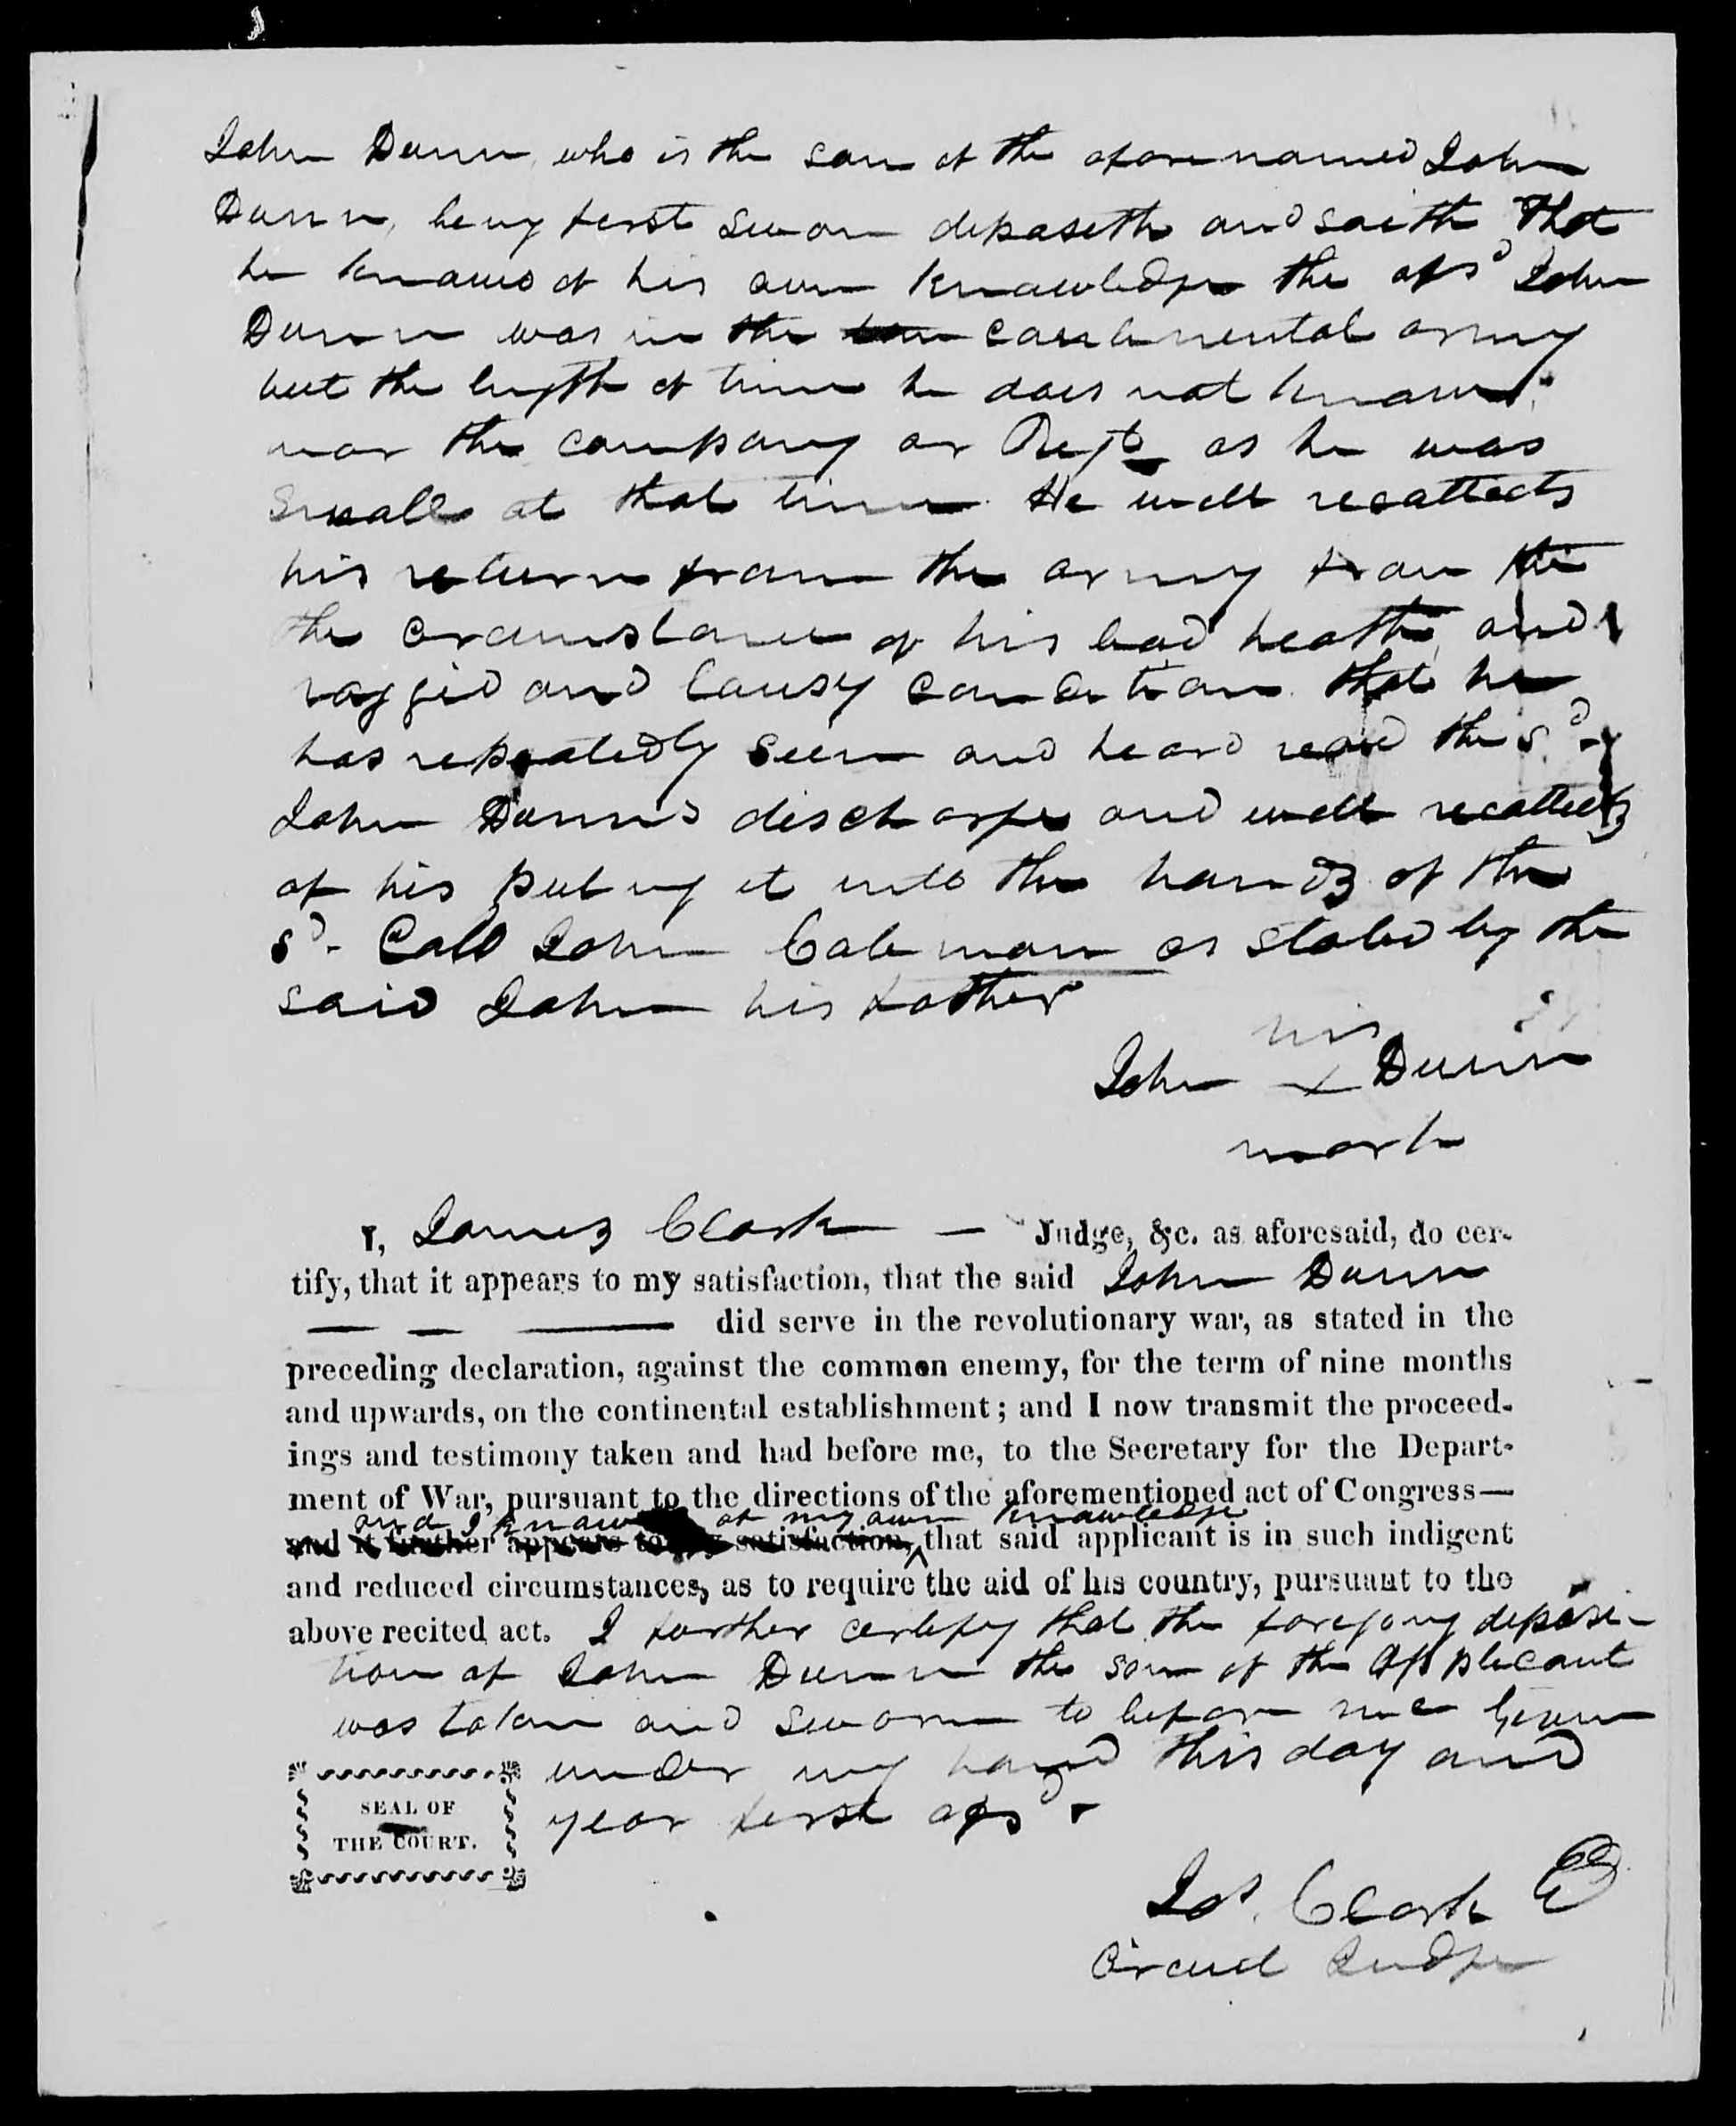John Dunn who is the son of the aforesaid John 
Dunn, being first sworn deposeth and saith that he knows of his own knowledge the afsd [aforesaid] John Dunn was in the continental army but the length of time he does not know, nor the company or Regt as he was small at that time.
He well recollects his return from the army & as the the circumstances of his bad health and ragged and lousy conditions that he has repeatedly seen and heard and the sd [said] John Dunns discharge and well recollects of his puting it into the hands of the said Colo John Calehoun as stated by the said John his father
John Dunn [his mark] X

I James Clark Judge, &c. as aforesaid, do certify, that it appears to my satisfaction, that the said John Dunn did serve in the revolutionary war, as stated in the preceding declaration, against the common enemy, for the term of nine months and upwards, on  the continental establishment; and I now transmit the proceedings and testimony taken and had before me, to the Secretary for the Department of War, pursuant to the directions of the aforementioned act of Congress and I know of my own knowledge that said applicant is in such indigent and reduced circumstances, as to require the aid of his country, pursuant to the above recited act. 
I further certify that the foregoing deposition of John Dunn the son of the applicant was taken and sworn to before me. Given under my hand this day and year first afs.
Jos Clark Esq
Circuit Judge

[black ink rectangular seal stamped at bottom]
SEAL OF THE COURT.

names: James Clark, John Dunn, John Dunn, John Dunn, John Dunn, John, Jos Clark, John Dunn, John Coleman, John Dunn, John Dunn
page: 12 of 23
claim: survivor's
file: S 35903, John Dunn, Va.